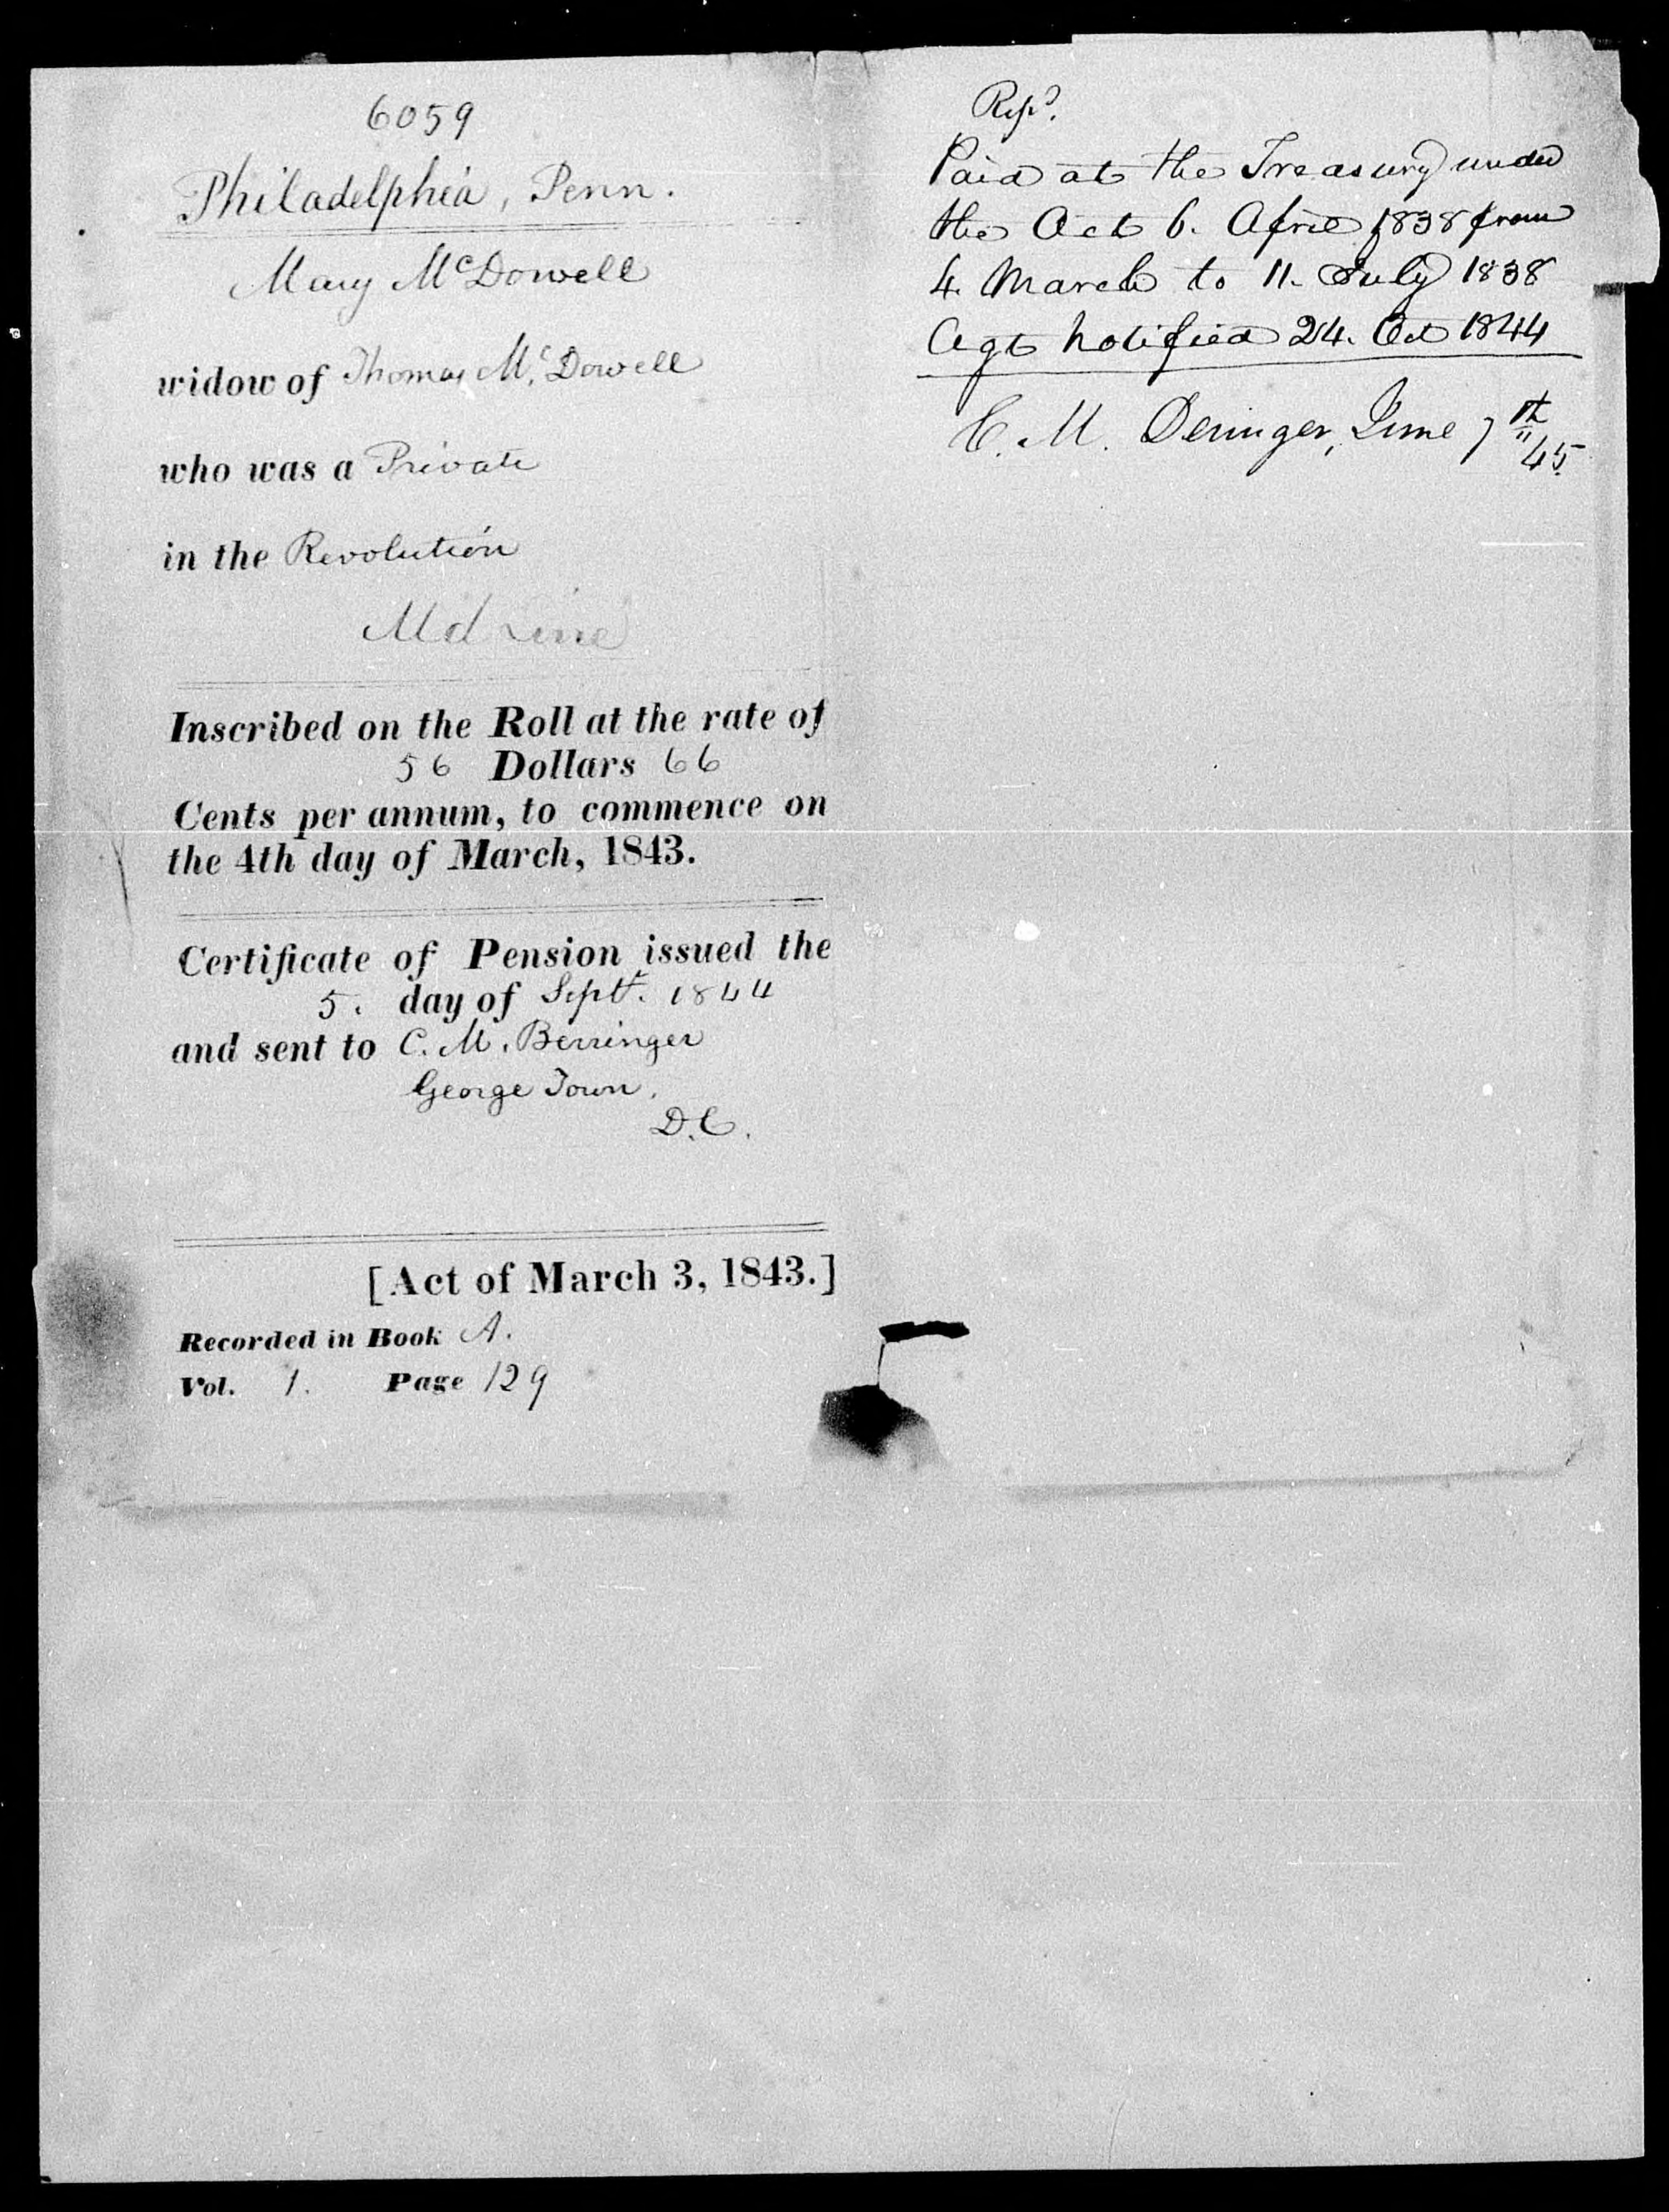6059
Philadelphia, Penn. 
Mary McDowell 
uidou of Thomas M, d Dowell 
who was a Private
in the Revolution
Madine
Inscribed on the Roll at the Rate of 56 Dollar 66 cents per annum, to commence on the 4th day of March,1843. 
Certificate of Pension issued the 55 day of Sept, 1866 and sent to C. li, Benninges
George Join
D.C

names: Mary Mc Dowell; Thomas Mc Dowell; C M Berringer; C M Deringer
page: 3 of 63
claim: widow's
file: W 2957, for Thomas Mc Dowell, Maryland